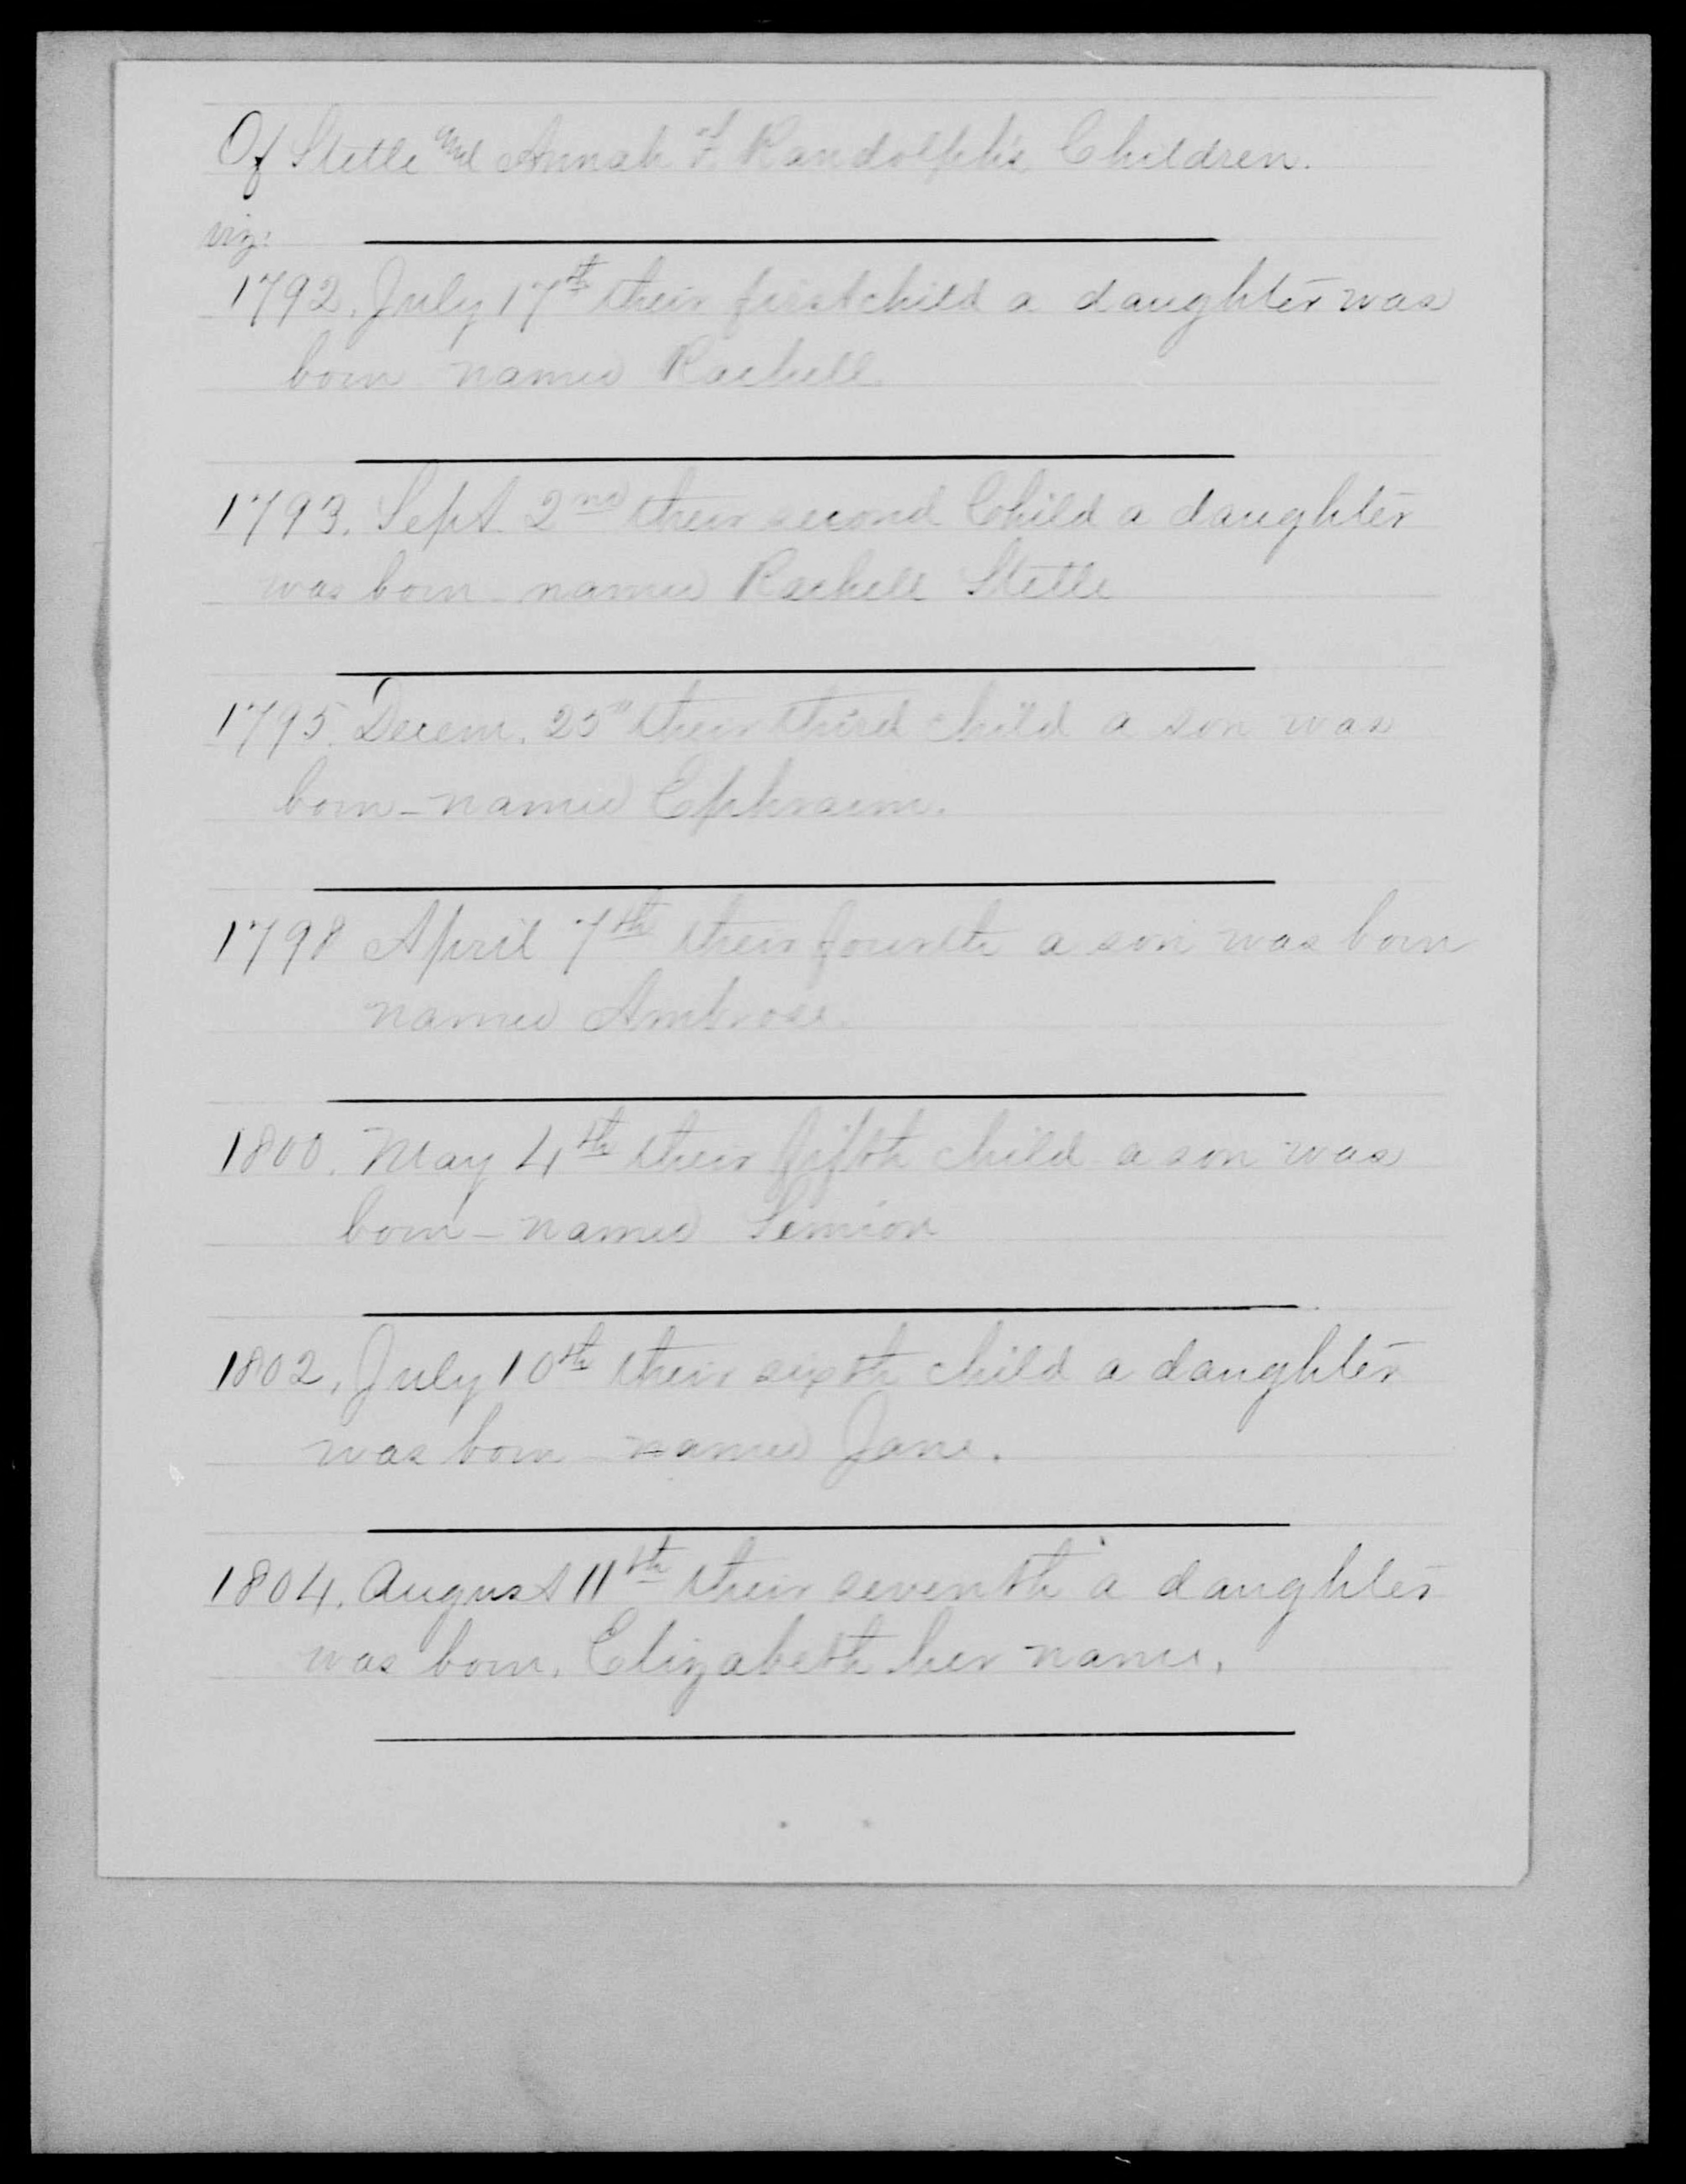Of Stille and Annah F Randolph's Children
viz:
1792, July 17th their first child a daughter was born named Rachell
1793, Sept 2nd their second child a daughter was born named Rachell Stille
1795, Decem. 25th her third child a son was born - named Ephraim
1798 April 7th their fourth a son was born named Ambrose
1800, May 4th their fifth child a son was born - named Semion
1802, July 10th their sixth child a daughter was born named Jane.
1804, August 11th their seventh a daughter was born, Elizabeth her name.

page: 7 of 33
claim: widow's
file: W. 5,665, for Stelle F Randolph, New Jersey